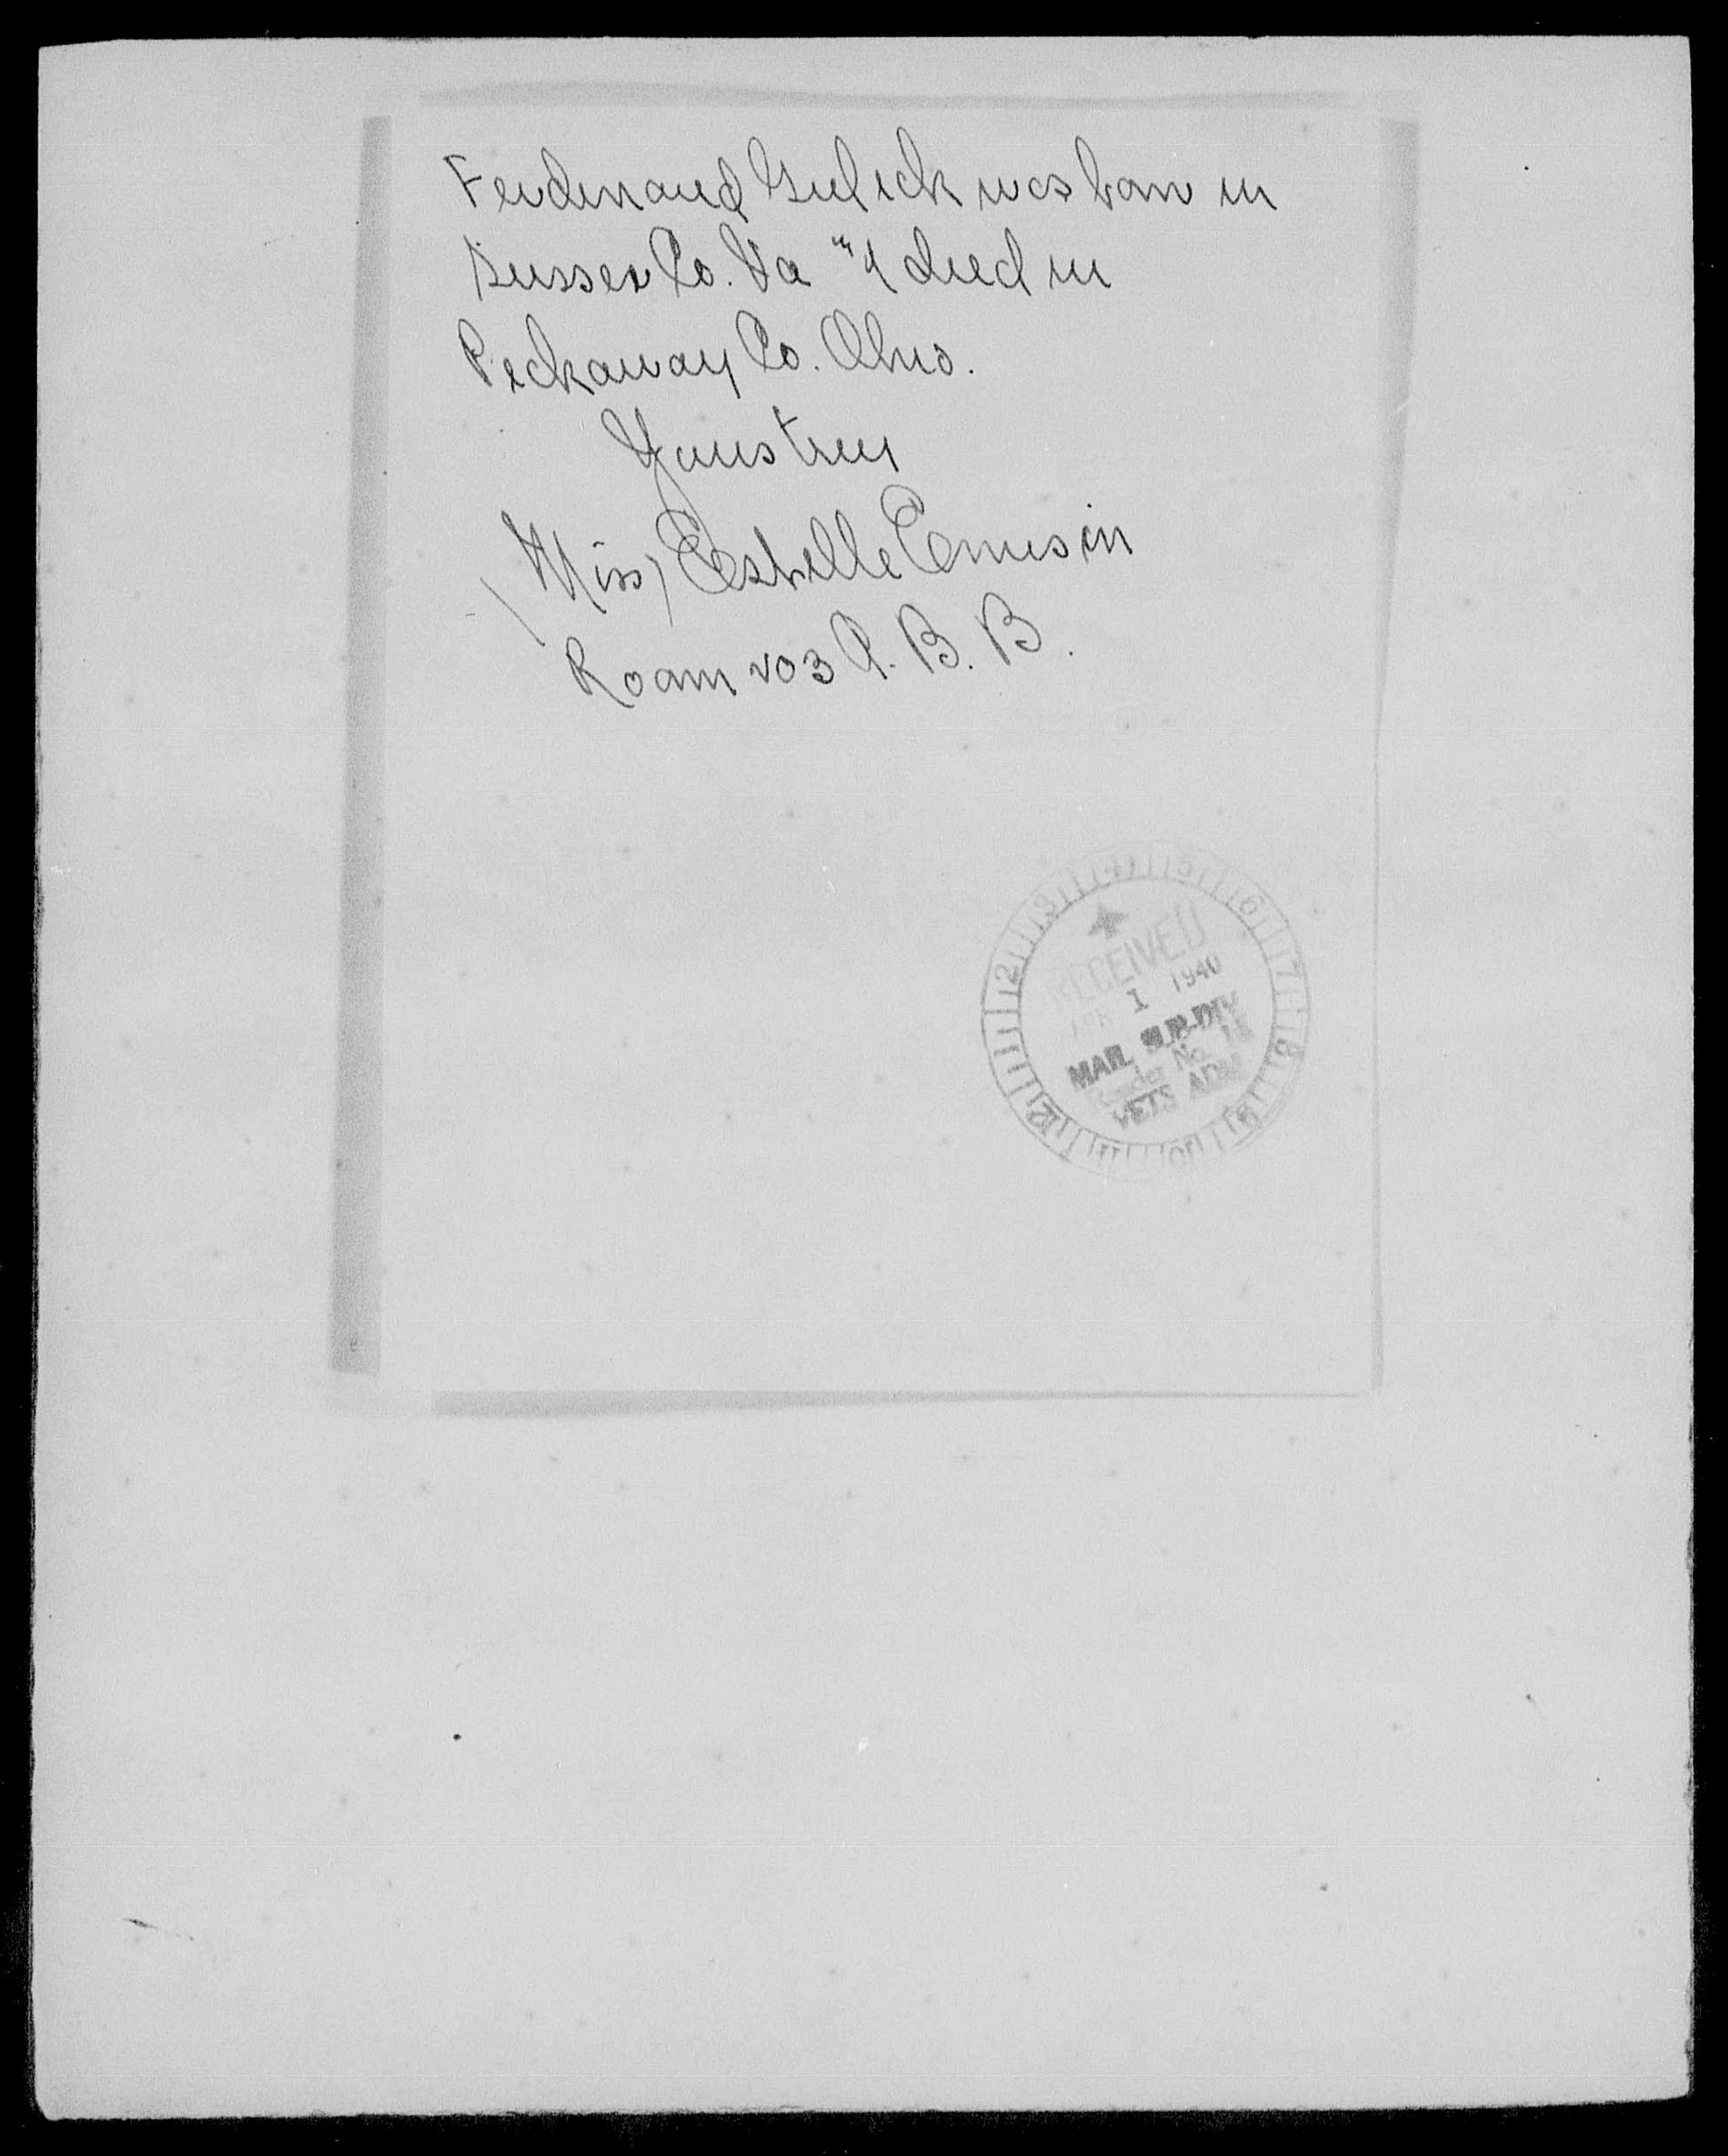Ferdinand Gulick was born in 
Sussex Co. Va & died in
Pickaway Co. Ohio.
Yours truly
Miss Estelle Emison
Room vo3 A.B.B.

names: Estelle Emison, Ferdinand Gulick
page: 20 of 21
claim: survivor's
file: S. 2586, Ferdinand Gulick, New Jersey Va.